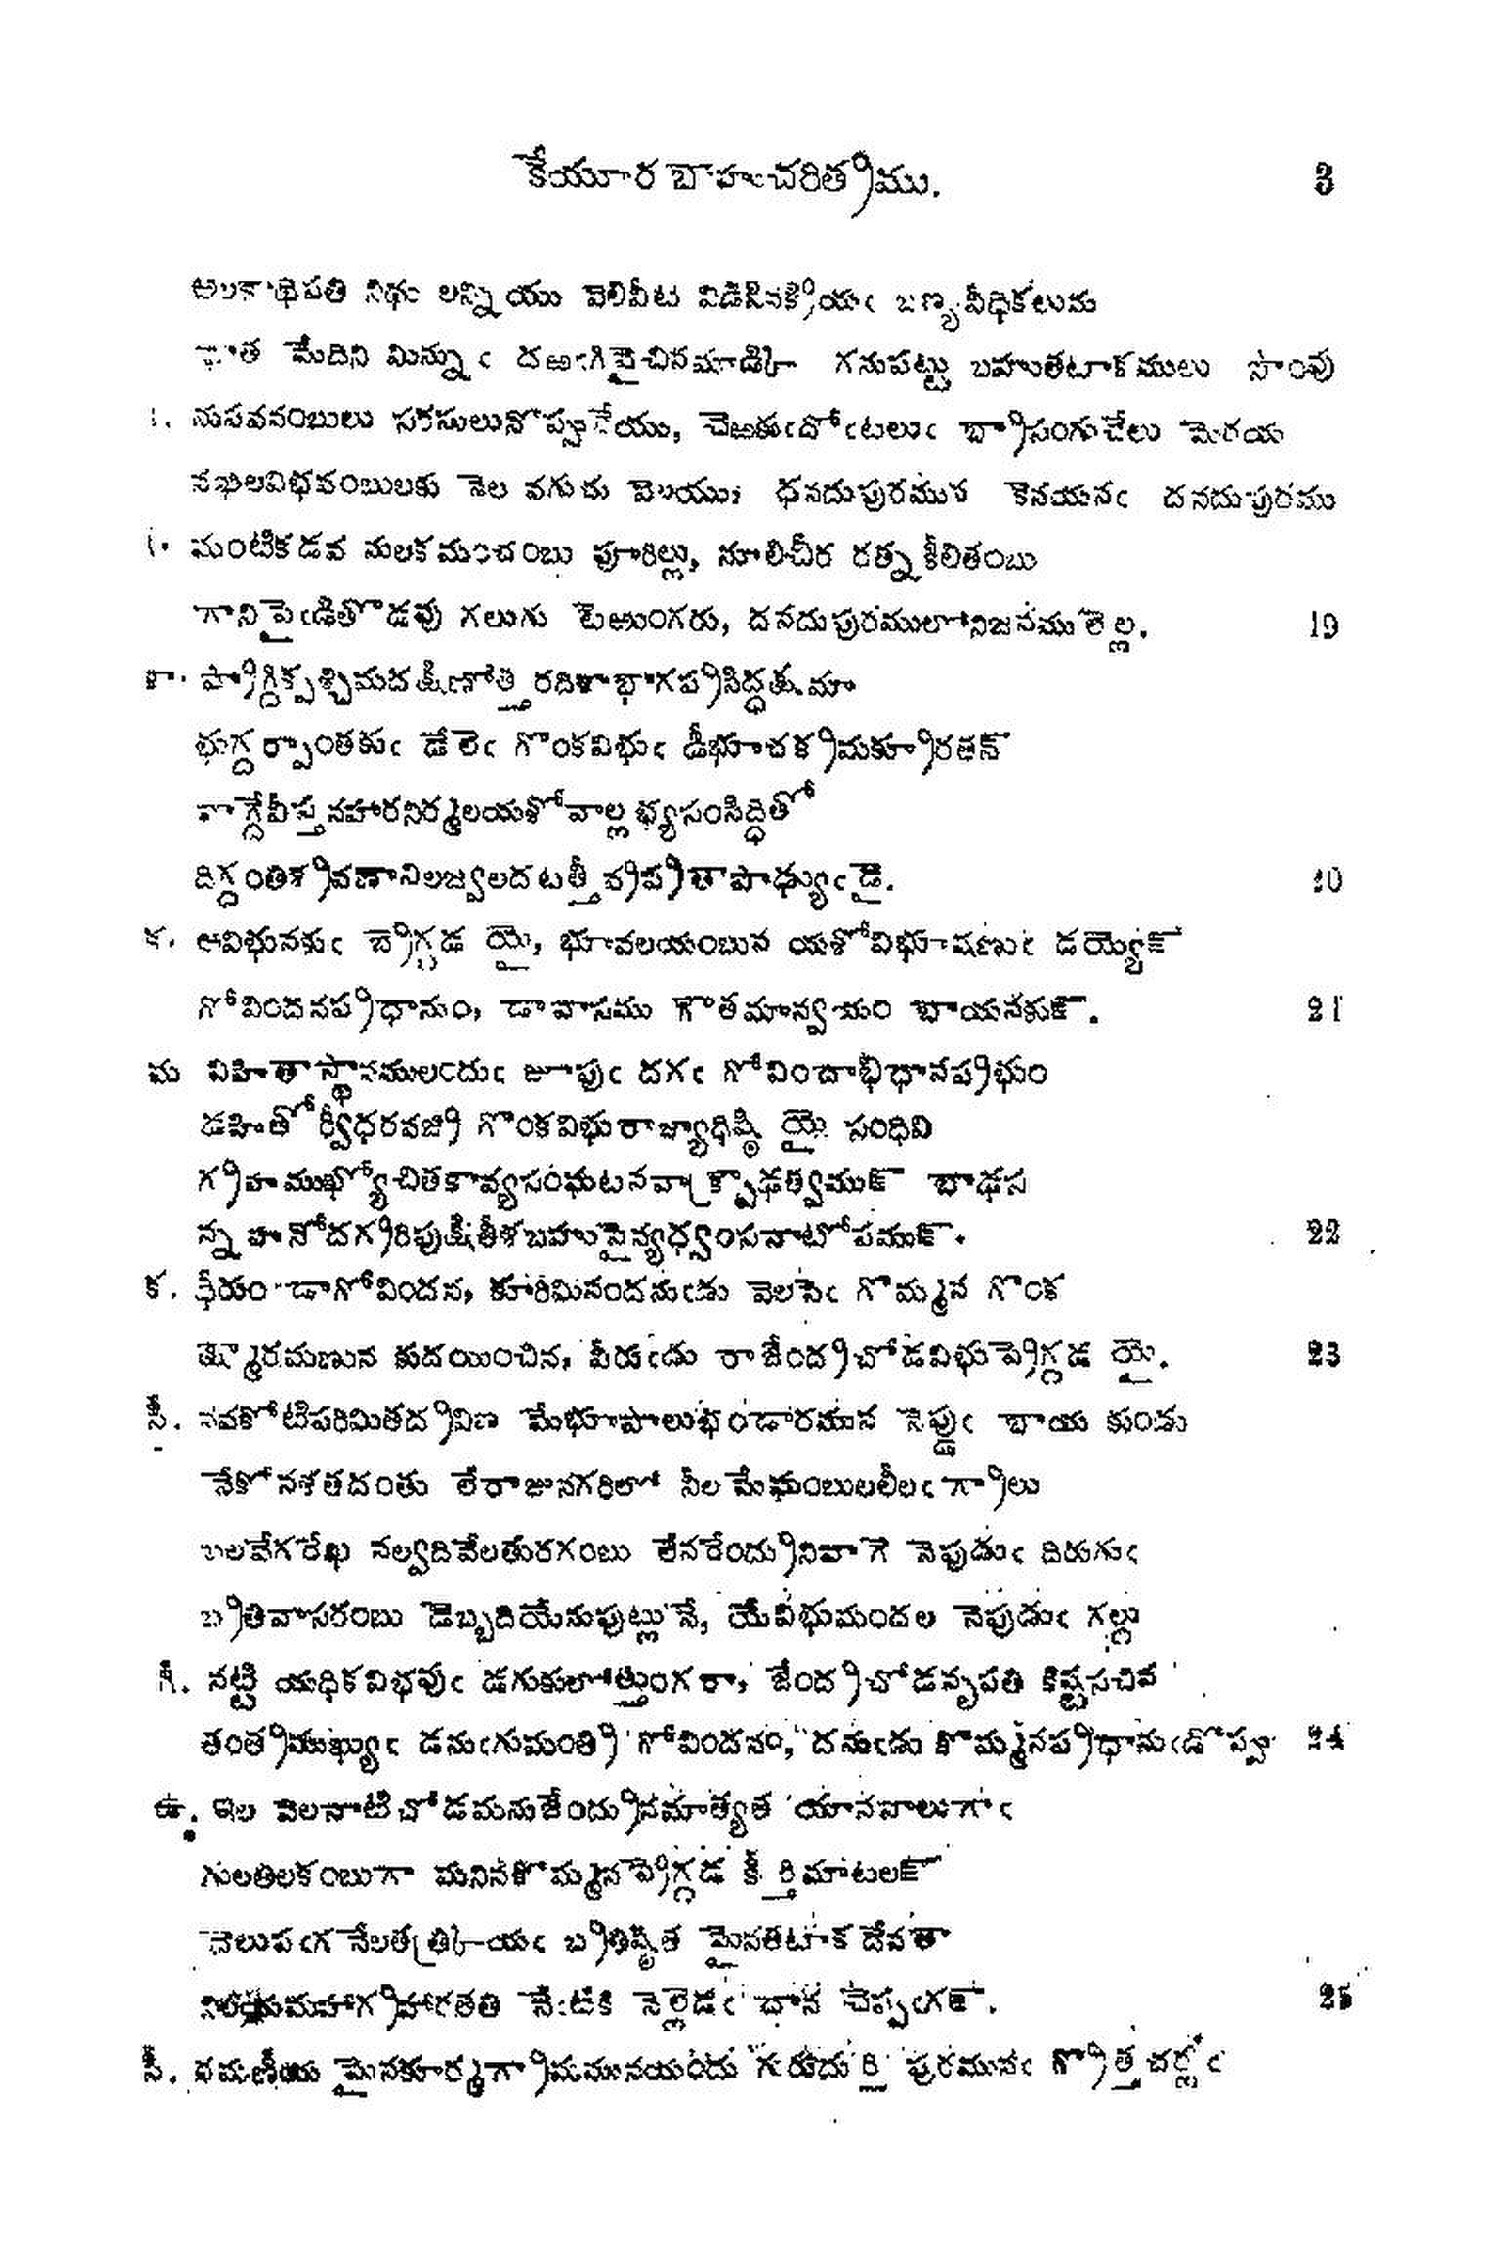అలకాధిపతి నిధు లన్నియు వెలివీటి విడిసినక్రియఁ బణ్యవీథికలును
 ధాత మేదిని మిన్నుఁ దఱఁగివైచినమాడ్కి గనుపట్టు బహుతటాకములు సొంపు
గీ. నుపవనంబులు సరసులునొప్పుచేయు, చెఱకుఁదోఁటలుఁ బ్రాసంగుచేలు మెరయ
 నఖిలవిభవంబులకు నెల వగుచు మోయు, ధనదుపురమున కెనయనఁ దనదుపురము.
గీ. మంటికడవ నులకమంచంబు పూరిల్లు, నూలిచీర రత్నకీలితంబు
 గానిపైఁడితొడవు గలుగు టెఱుంగరు, దనదుపురములోనిజనము లెల్ల.
శా. ప్రాగ్దిక్పశ్చిమదక్షిణోత్తరదిశాభాగప్రసిద్ధక్షమా
 భుగ్దర్పాంతకుఁ డేలెఁ గొంకవిభుఁ డీభూచక్ర మక్రూరతన్
 వాగ్దేవీస్తనహారనిర్మలయశోవాల్లభ్యసంసిద్ధితో
 దిగ్దంతిశ్రవణానిలజ్వలదటత్తీవ్రప్రతాపాఢ్యుఁడై.
క. ఆవిభునకుఁ బ్రెగ్గడయై, భూవలయంబున యశోవిభూషణుఁ డయ్యెన్
 గోవిందనప్రధానుం, డావాసము గౌతమాన్వయం బాయనకున్.
మ. విహితాస్థానములందుఁ జూపుఁ దగఁ గోవిందాభిధానప్రభుం
 డహితోర్వీధరవజ్రి గొంకవిభురాజ్యాధిష్టి యై సంధివి
 గ్రహముఖ్యోచితకావ్యసంఘటనవాక్ప్రౌఢత్వమున్ బాఢస
 న్నహనోదగ్రరిపుక్షితీశబహుసైన్యధ్వంసనాటోపమున్.
క. ధీరుం డాగోవిందన, కూరిమినందనుఁడు వెలసెఁ గొమ్మన గొంక
 క్ష్మారమణున కుదయించిన, వీరుఁడు రాజేంద్రచోడవిభుప్రెగ్గడ యై.
సీ. నవకోటిపరిమితద్రవిణ మేభూపాలుభండారమున నెప్డు బాయ కుండు
 నేకోనశతదంతు లేరాజునగరిలో నీలమేఘంబులలీలఁ గ్రాలు
 బలవేగరేఖ నల్వదివేలతురగంబు లేనరేంద్రునివాగె నెపుడుఁ దిరుగుఁ
 బ్రతివాసరంబు డెబ్బదియేనుపుట్లు నే, యే విభుమందల నెపుడుఁ గల్గు
గీ. నట్టి యధికవిభవుఁ డగుకులోత్తుంగరా, జేంద్రచోడనృపతి కిష్టసచివ
 తంత్రముఖ్యుఁ డనుఁగుమంత్రి గోవిందనం, దనుఁడు కొమ్మనప్రధానుఁ డొప్పు.
ఉ. ఇల వెలనాటిచోడమనుజేంద్రునమాత్యత యానవాలుగా
 గులతలకంబుగా మనినకొమ్మనప్రెగ్గడ కీర్తిమాటలన్
 దెలుపఁగనేల తత్క్రియఁ బ్రతిష్ఠిత మైనతటాకదేవతా
 నిలయమహాగ్రహారతతి నేఁటికి నెల్లెడఁ దాన చెప్పఁగన్.
సీ. రమణీయ మైనకూర్మగ్రామమునయందు గురుదుర్తిపురమునఁ గ్రొత్తచర్లఁ